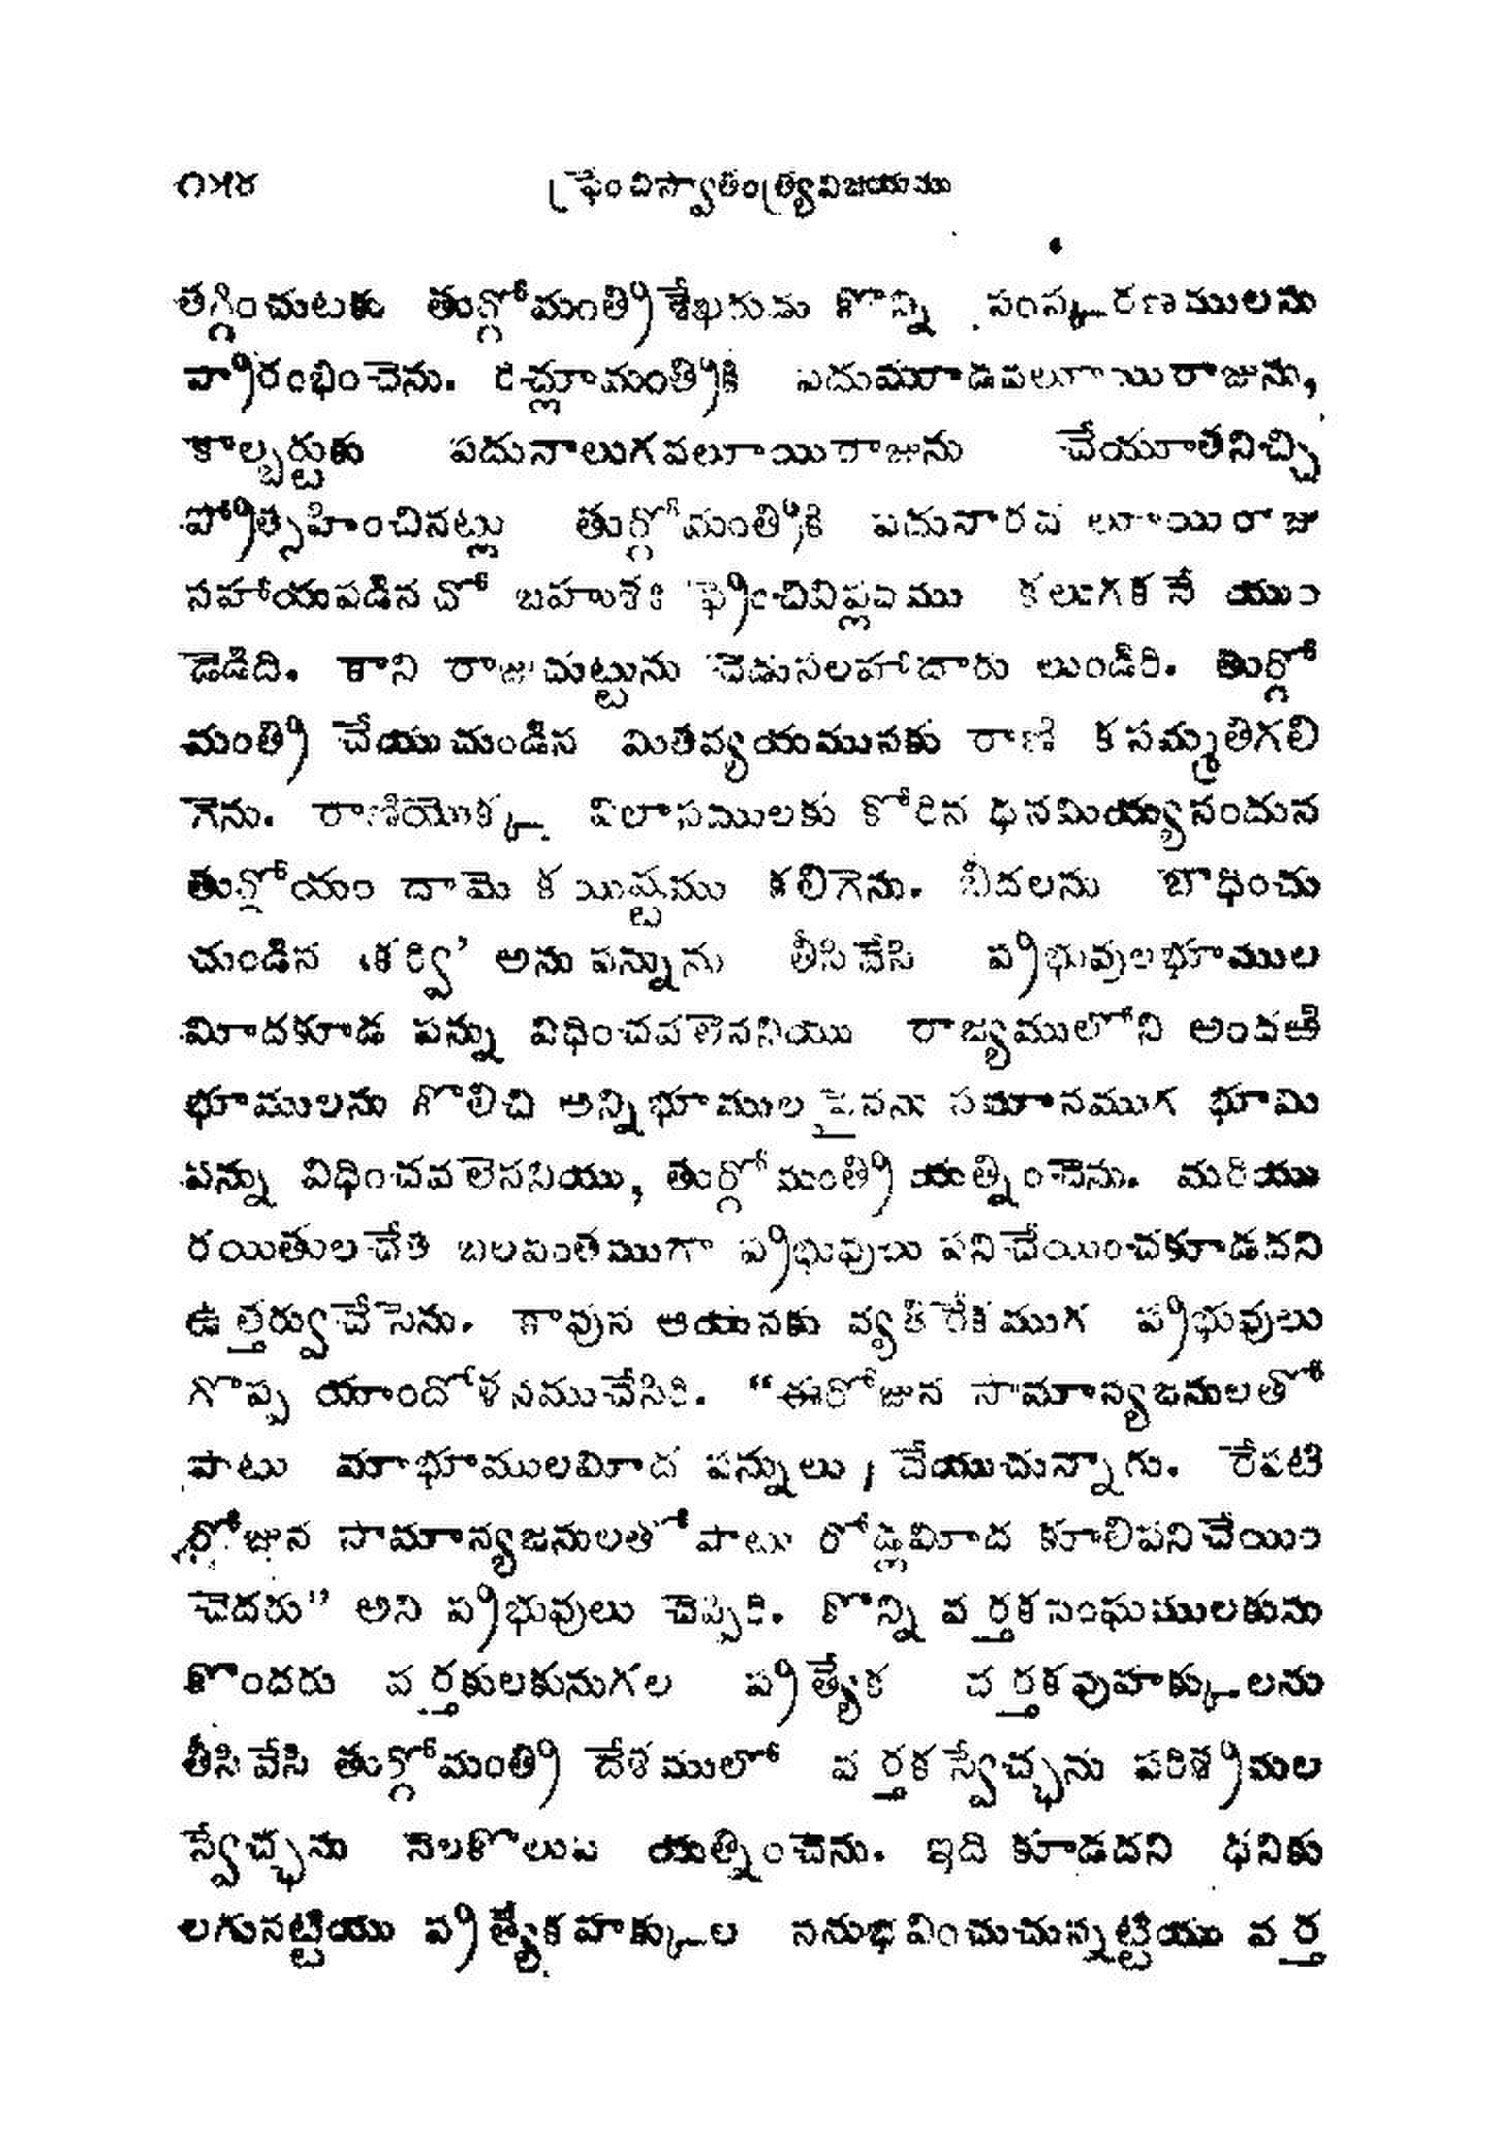తగ్గించుటకు తుర్గో మంత్రి శేఖరుడు కొన్ని సంస్కరణములను
ప్రారంభించెను. రిచ్లూమంత్రిని పదుమూడవ లూయి రాజును,
కొల్బర్టుకు పదునాలుగవలూయిరాజును చేయూతనిచ్చి
ప్రోత్సహించినట్లు తుర్గోమంత్రికి పదునారవలూయి రాజు
సహాయపడిన చో బహుశః "ఫ్రెంచి విప్లవము కలుగకనే యుం
డెడిది. కాని రాజు చుట్టును చెడు సలహాదారు లుండిరి. తుర్గో
మంత్రి చేయు చుండిన మిత వ్యయమునకు రాణి కసమ్మతిగలి
గెను. రాణి యొక్క విలాసములకు కోరిన ధనమియ్యనందున
తుర్గో యం దామె కయిష్టము కలిగెను. బీదలను 'బాధించు
చుండిన క ర్వి' అను పన్నును తీసి చేసి ప్రభువుల భూముల
మీదకూడ పన్ను విధించపలెననియు రాజ్యములోని అందరి
భూములను గొలిచి అన్ని భూముల నరి సమానముగ భూమి
పన్ను విధించవ లెసనియు, తుర్లో మంత్రి యత్నించెను. మరియు
రయితుల చేత బలవంతముగా ప్రభువులు పని చేయించ కూడదని
ఉత్తర్వు చేసెను. కావున ఆయనకు వ్యతిరేక ముగ ప్రభువులు
గొప్ప యాందోళనముచేసిరి. "ఈరోజున సామాన్య జనులతో
పాటు మాభూములమీద పన్నులువేయు చున్నారు. రేపటి
రోజున సామాన్య జనులతో పాటు రోడ్ల మీద కూలిపని చేయిం
చెదరు" అని ప్రభువులు చెప్పిరి. కొన్ని వర్తక సంఘములకును
కొందరు వర్తకులకునుగల ప్రత్యేక వర్తక పుహక్కులను
తీసి వేసి తుర్గో మంత్రి దేశములో వర్తక స్వేచ్ఛను పరిశ్రమల
స్వేచ్ఛను నెలకొలుప యత్నించెను. ఇది కూడదని ధనికు
లగునట్టియు ప్రత్యేక హక్కుల ననుభవించుచున్నట్టియు వర్త